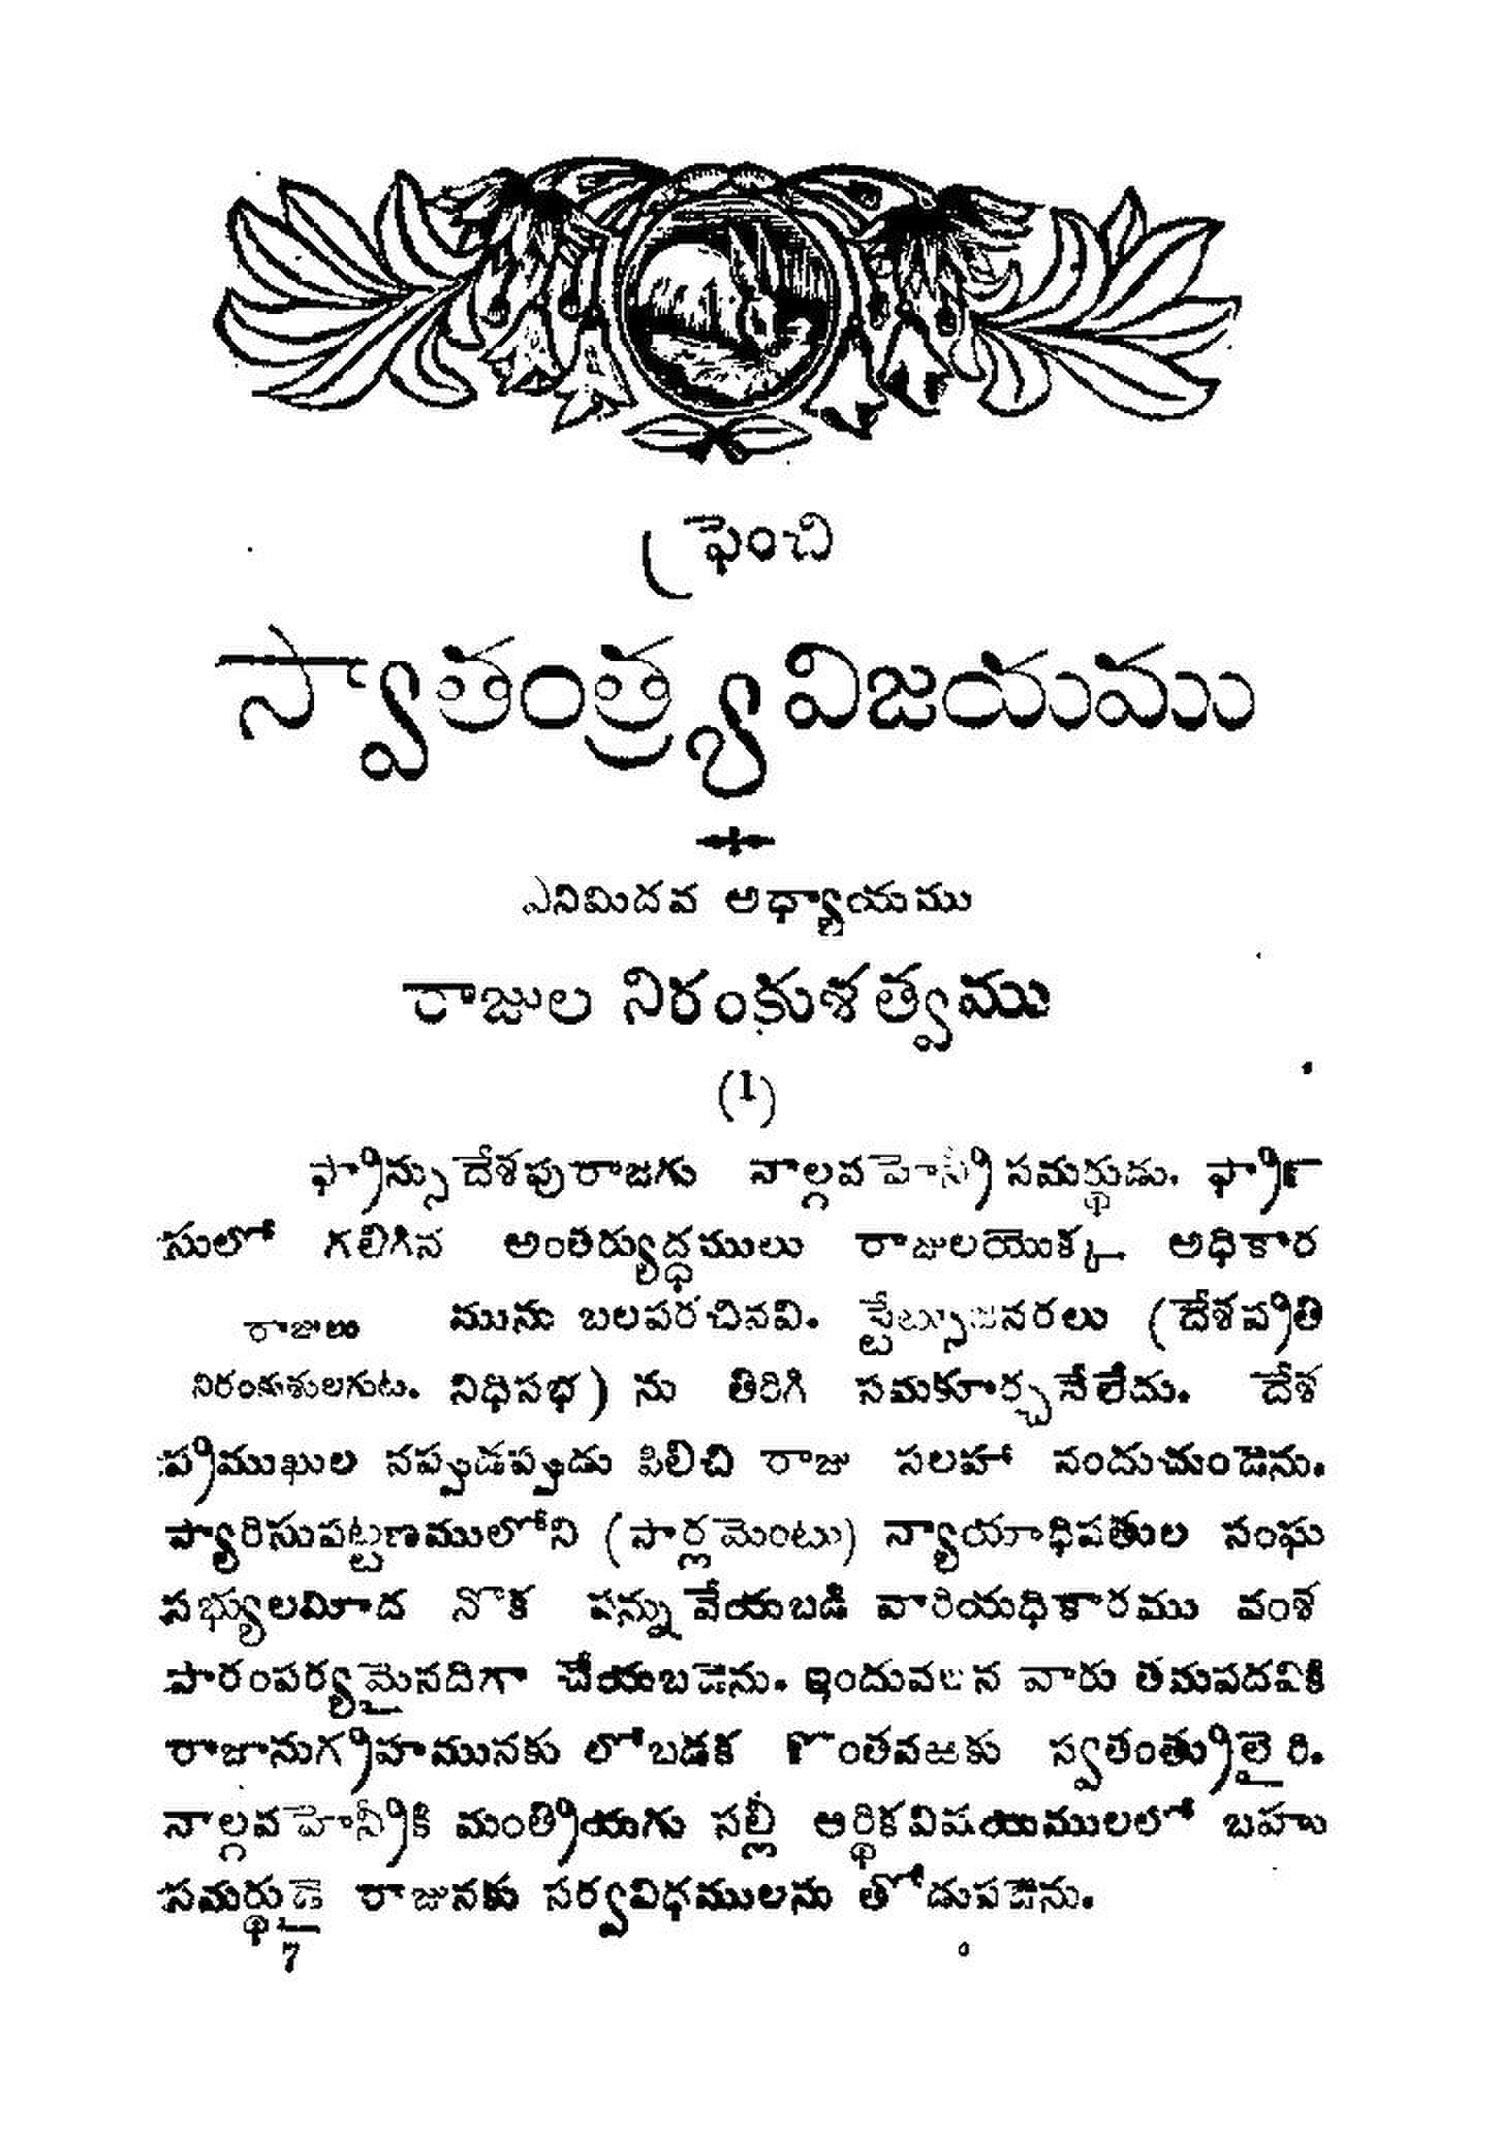రాజులు
నిరంకుశులగుట. 
ఫ్రాన్సు దేశపు రాజగు నాల్గవ హెన్రీ సమర్థుడు. ఫ్రాన్సులో గలిగిన 
అంతర్యుద్ధములు రాజులయొక్క అధికారమును
బలపరచినవి. స్టేట్సు. జనరరలు (దేశప్రతి నిథి సభ)
ను తిరిగి సమకూర్చనే లేదు. దేశప్రముఖుల నప్పుడప్పుడు పిలిచి 
రాజు సలహా నందుచుండెను. ప్యారిసుపట్టణములోని (సార్లమెంటు) 
న్యాయాధిపతుల సంఘ సభ్యులమీద నొక పన్ను వేయబడి 
వారియధికారము వంశపారంపర్యమైనదిగా చేయబడెను. 
ఇందువలన వారు తమ పదవికి రాజునుగ్రహమునకు లోబడ 
కొంతవఱకు స్వతంత్రులై రి.నాల్గవ హెన్రీ మంత్రియగు సల్లీ 
ఆర్థిక విషయములలో బహు సమర్థుడై రాజునకు సర్వవిధములను
తోడుపడెను.
.